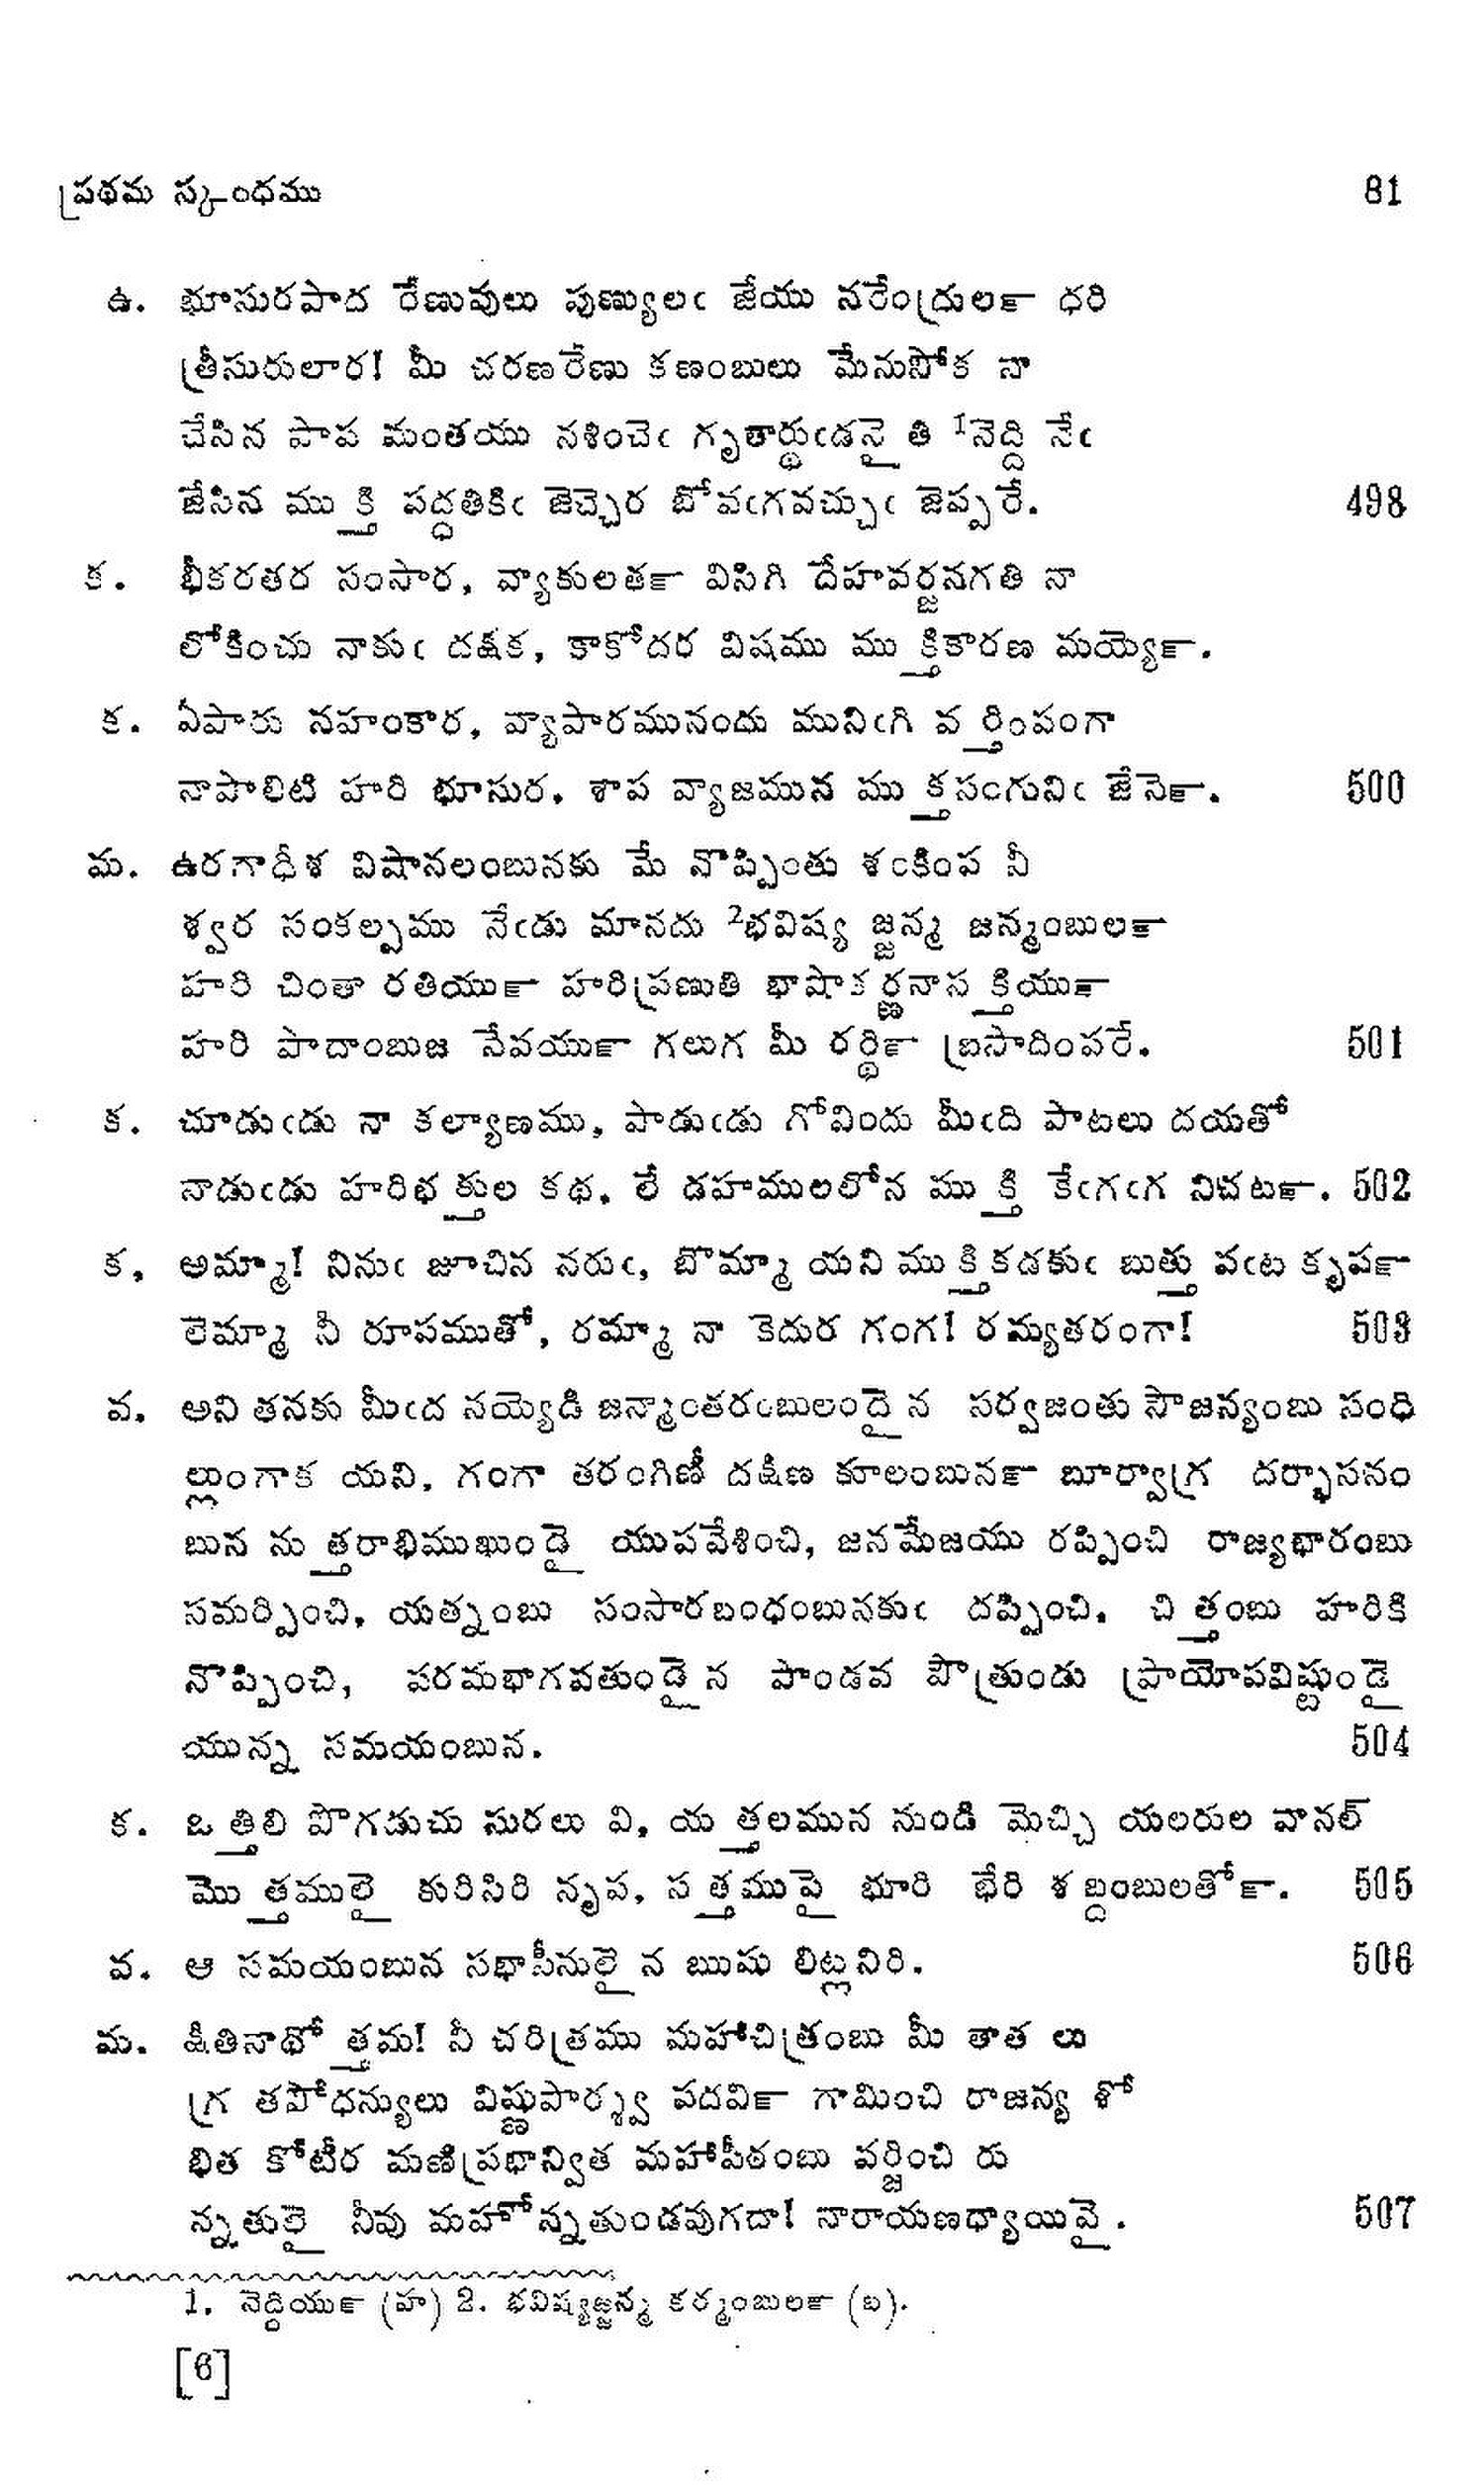81

ఉ. భూసురపాద దేణువులు పుణ్యులఁ నరేంద్రులన్ భరి

త్రీసురులార ! మీ చరణరేణు కణంబులు మేనుసోక నా

చేసిన పాప పంతయు నశించెఁ గృతార్థుఁడనైతి నెద్ది నేఁ 

జేసిన ముక్తి పద్ధతికిఁ జెచ్చెర బోవఁగవచ్చుఁ జెప్పరే . (499)

క. భీకరతర సంసార, వ్యాకులతన్ విసిగి దేహవర్ణనగతి నా

లోకించు నాకుఁ దక్షక, కాకోదర విషము ముక్తికారణ మయ్యెన్ . (500)

క. ఏపార నహంకార, వ్యాపారమునందు మునిఁగి వర్తింపంగా

నాపాలిటి హరి భూసుర, శాప వ్యాజమున ముక్తిసంగునిఁ జేసెన్ . (501)

మ. ఉరగాధీశ విషానలంబునకు మే నొప్పింతు శంకింప నీ

శ్వర సంకల్పము నేఁడు మానదు భవిష్య జ్జన్మ జన్మంబులన్

హరి చింతా రతియున్ హరిప్రణుతి భాషాకర్ణనాసక్తియున్

హరి పాదాంబుజ సేవయున్ గలుగ మీ రర్థిన్ బ్రసాదింపరే . (502)

క. చూడఁడు నా కల్యాణము, పాడుఁడు గూవిందు మీఁది పాటలు దయతో

నాడుఁడు హరి భక్తిల కథ, లే డహములలోన ముక్తి కేఁగఁగ నిచటన్. (503)

క. అమ్మా ! నినుఁ జూచిన నరుఁ , బొమ్మాయని ముక్తికడకుఁ బుత్తువఁట కృపన్

లెమ్మా నీ రూపముతో, రమ్మా నా సెదురు గంగ ! రమ్యతరంగా ! (504)

వ. అని తనకు మీఁద నయ్యెడి జన్మాంతరబులందైన సర్వజంతు సౌజన్యంబు సంధిల్లుంగాక యని, గంగా తరంగిణీ దక్షిణ కూలంబునన్ బూర్వాగ్ర దర్భాసనంబున నుత్తరాభిముఖుండై యుపవేశించి, జనమేజయు రప్పించి రాజ్యధారంబు సమర్పించి, యత్నంబు సంసారబంధంబునకుఁ దప్పించి, చిత్తంబు హరికి నిప్పించి, పరమ భాగవతుండైన పాండవ పౌత్రుండు ప్రాయోపవిష్ణుండైయున్న సమయంబున. (505)

క. ఒత్తిలి పొగడుచు సురలు వి, యత్తలమున నుండి మెచ్చి యలరుల వానల్

మొత్తములై కురిసిరి నృప, సత్తముపై భూరి భేరి శబ్దంబులతోన్ . (506)

వ. ఆ సమయంబున సభాసీనులైన ఋషు లిట్లనిరి. (507)

మ. క్షితినాథోత్తమ ! నీ చరిత్రము మహాచిత్రంబు మీ తాత లు

గ్ర తపోధన్యులు విష్ణూపార్శ్వ పదవిన్ గావించి రాజన్య శో

భిత కోటీర మణిప్రభాన్విత మహాపీఠంబు వర్జించి రు

న్నతులై నీపు మహోన్నతుండవుగదా ! నారాయణధ్యాయివై. (508)